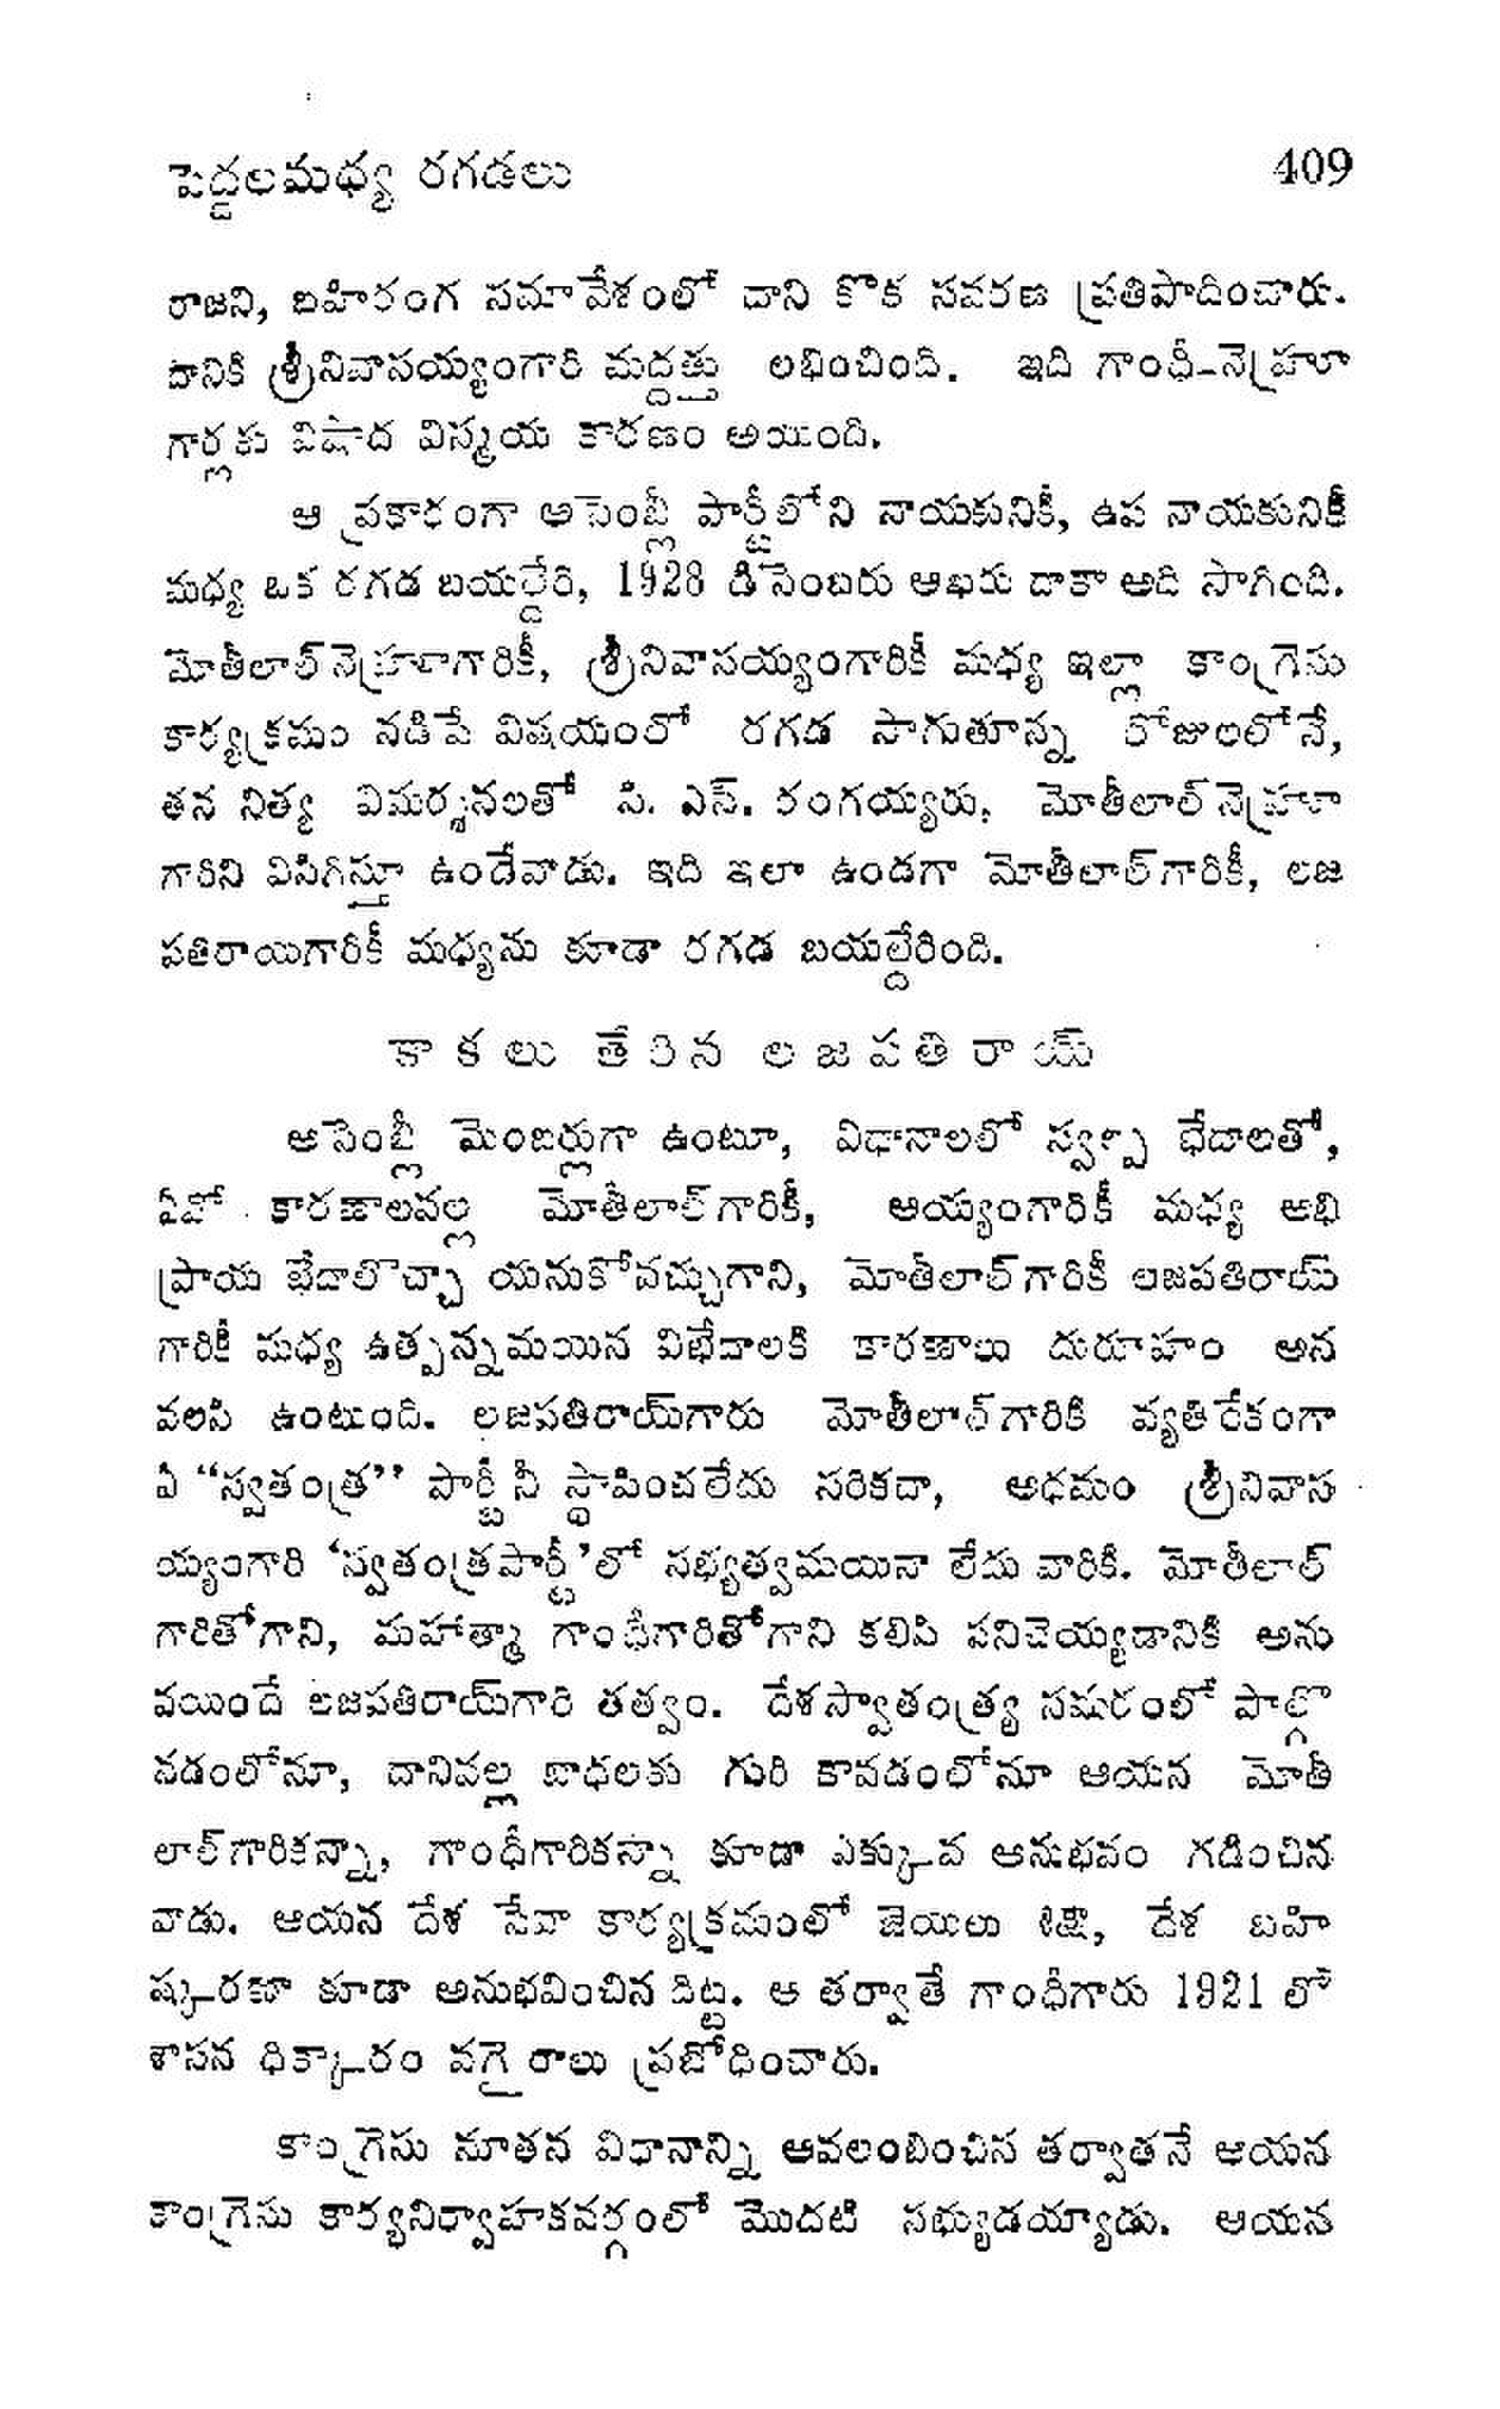రాజని, బహిరంగ సమావేశంలో దాని కొక సవరణ ప్రతిపాదించారు. దానికి శ్రీనివాసయ్యంగారి మద్దతు లభించింది. ఇది గాంధీ - నెహ్రూ గార్లకు విషాద విస్మయ కారణం అయింది.

ఆ ప్రకారంగా అసెంబ్లీ పార్టీలోని నాయకునికీ, ఉప నాయకునికీ మధ్య ఒక రగడ బయల్దేరి, 1928 డిసెంబరు ఆఖరు దాకా అది సాగింది. మోతీలాల్‌నెహ్రూ గారికీ, శ్రీనివాసయ్యం గారికీ మధ్య ఇల్లా కాంగ్రెసు కార్యక్రమం నడిపే విషయంలో రగడ సాగుతూన్న రోజులలోనే, తన నిత్య విమర్శనలతో సి. ఎస్. రంగయ్యరు, మోతీలాల్‌నెహ్రూ గారిని విసిగిస్తూ ఉండేవాడు. ఇది ఇలా ఉండగా మోతీలాల్‌గారికీ, లజపతిరాయిగారికీ మధ్యను కూడా రగడ బయల్దేరింది.

అసెంబ్లీ మెంబర్లుగా ఉంటూ, విధానాలలో స్వల్ప భేదాలతో ఏవో కారాణాలవల్ల మోతీలాల్‌ గారికీ, అయ్యంగారికీ మధ్య అభిప్రాయ భేదాలొచ్చా యనుకోవచ్చుగాని, మోతీలాల్‌గారికి లజపతిరాయ్‌గారికీ మధ్య ఉత్పన్నమయిన విభేదాలకి కారణాలు దురూహం అనవలసి ఉంటుంది. లజపతిరాయ్‌గారు మోతీలాల్‌గారికి వ్యతిరేకంగా ఏ "స్వతంత్ర" పార్టీనీ స్థాపించ లేదు సరికదా, అధమం శ్రీనివాసయ్యంగారి 'స్వతంత్రపార్టీ'లో సభ్యత్వమయినా లేదు వారికి. మోతీలాల్‌గారితోగాని, మహాత్మా గాంధీగారితోగాని కలిసి పనిచెయ్యడానికి అనువయిందే లజపతిరాయ్‌గారి తత్వం. దేశస్వాతంత్ర్య సమరంలో పాల్గొనడంలోనూ, దానివల్ల బాధలకు గురి కావడంలోనూ ఆయన మోతీలాల్‌గారికన్నా, గాంధీగారికన్నా కూడా ఎక్కువ అనుభవం గడించినవాడు. ఆయన దేశ సేవా కార్యక్రమంలో జెయిలు శిక్షా, దేశ బహిష్కరణా కూడా అనుభవించిన దిట్ట. ఆ తర్వాతే గాంధీగారు 1921 లో శాసన ధిక్కారం వగైరాలు ప్రబోధించారు.

కాంగ్రెసు నూతన విదానాన్ని అవలంభించిన తర్వాతనే ఆయన కాంగ్రెసు కార్యనిర్వాహకవర్గంలో మొదటి సభ్యుడయ్యాడు. ఆయన